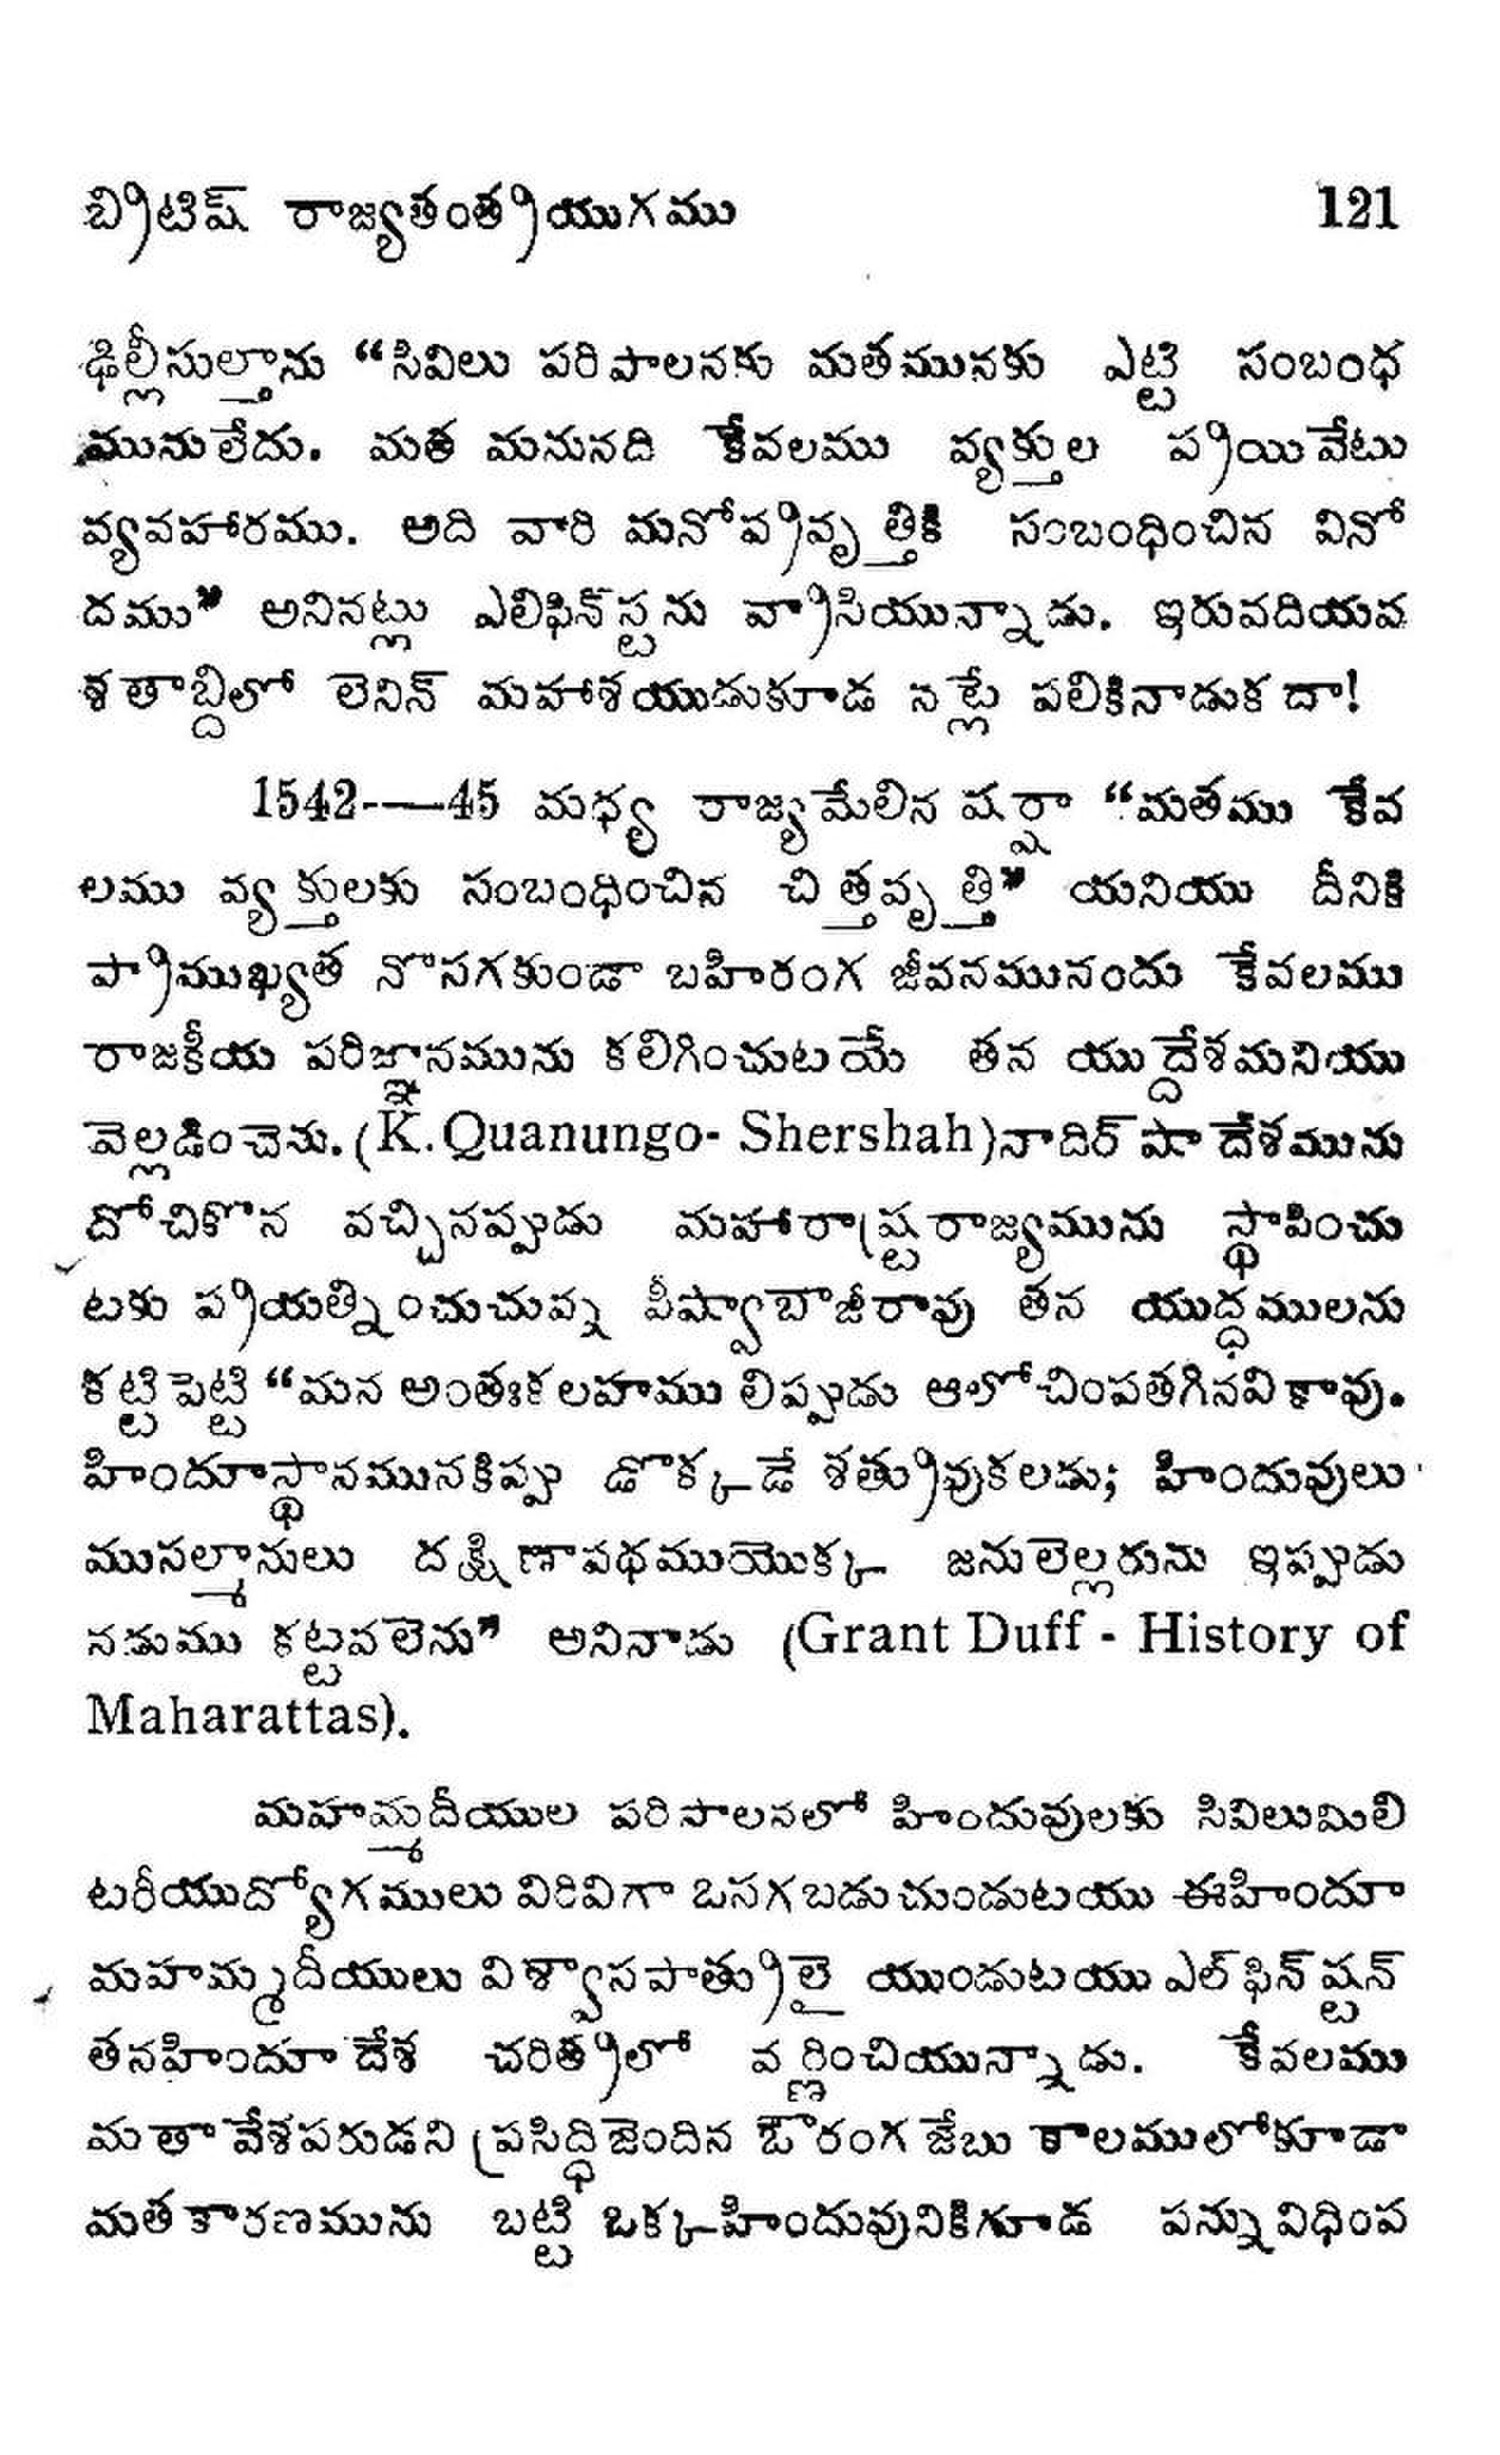ఢిల్లీసుల్తాను "సివిలు పరిపాలనకు మతమునకు ఎట్టి సంబంధమునులేదు. మత మనునది కేవలము వ్యక్తుల ప్రయివేటు వ్యవహారము. అది వారి మనోప్రవృత్తికి సంబంధించిన వినోదము" అనినట్లు ఎలిఫిన్‌స్టను వ్రాసియున్నాడు. ఇరువదియవ శతాబ్దిలో లెనిన్ మహాశయుడుకూడ నట్లే పలికినాడుకదా!

1542 - 45 మధ్య రాజ్యమేలిన షర్షా "మతము కేవలము వ్యక్తులకు సంబంధించిన చిత్తవృత్తి" యనియు దీనికి ప్రాముఖ్యత నొసగకుండా బహిరంగ జీవనమునందు కేవలము రాజకీయ పరిజ్ఞానమును కలిగించుటయే తన యుద్దేశమనియు వెల్లడించెను. (K.Quanungo- Shershah)నాదిర్ షా దేశమును దోచికొన వచ్చినప్పుడు మహారాష్ట్రరాజ్యమును స్థాపించుటకు ప్రయత్నించుచున్న పీష్వాబాజీరావు తన యుద్దములను కట్టిపెట్టి “మన అంతఃకలహము లిప్పుడు ఆలోచింపతగినవికావు. హిందూస్థానమునకిప్పు డొక్కడే శత్రువుకలడు; హిందువులు ముసల్మానులు దక్షిణాపథముయొక్క జనులెల్లరును ఇప్పుడు నడుము కట్టవలెను" అనినాడు (Grant Duff - History of Maharattas).

మహమ్మదీయుల పరిపాలనలో హిందువులకు సివిలుమిలిటరీయుద్యోగములు విరివిగా ఒసగబడుచుండుటయు ఈహిందూమహమ్మదీయులు విశ్వాసపాత్రులై యుండుటయు ఎల్‌ఫిన్‌స్టన్ తనహిందూదేశ చరిత్రలో వర్ణించియున్నాడు. కేవలము మతావేశపరుడని ప్రసిద్దిజెందిన ఔరంగజేబు కాలములోకూడా మతకారణమును బట్టి ఒక్కహిందువునికిగూడ పన్నువిధింప